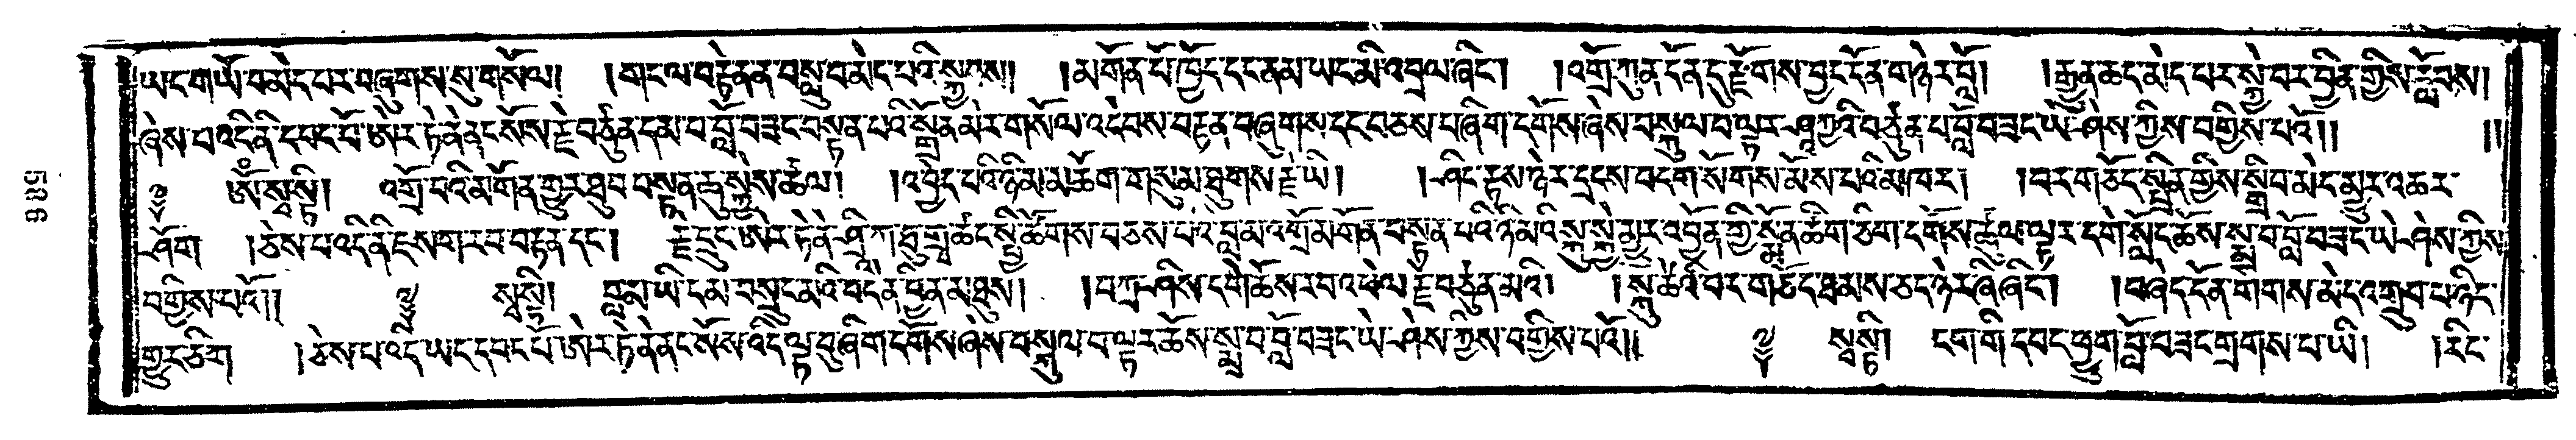ཡང་གཡོ་བ་མེད་པར་བཞུགས་སུ་གསོལ། །གང་ལ་བརྟེན་ན་བསླུ་བ་མེད་པའི་སྐྱབས། །མགོན་པོ་ཁྱོད་དང་ནམ་ཡང་མི་འབྲལ་ཞིང་། །འགྲོ་ཀུན་དོན་དུ་རྫོགས་བྱང་དོན་གཉེར་བློ། །རྒྱུན་ཆད་མེད་པར་སྐྱེ་བར་བྱིན་གྱིས་རློབས།
ཞེས་པ་འདི་ནི་དབང་པོ་ཨེར་ཏེ་ནེ་ནང་སོས་རྗེ་བཙུན་དམ་པ་བློ་བཟང་བསྟན་པའི་སྒྲོན་མེར་གསོལ་འདེབས་བརྟན་བཞུགས་དང་བཅས་པ་ཞིག་དགོས་ཞེས་བསྐུལ་བ་ལྟར་ཤཱཀྱའི་བཙུན་པ་བློ་བཟང་ཡེ་ཤེས་ཀྱིས་བགྱིས་པའོ།། །།
༈ ཨོཾ་སྭ་སྟི། འགྲོ་བའི་མགོན་གྱུར་ཐུབ་བསྟན་ཆུ་སྐྱེས་ཚལ། །འ་བྱེད་པའི་ཉི་མ་མཆོག་གསུམ་ཐུགས་རྗེ་ཡི། །ཤིང་རྟས་ཉེར་དྲངས་བདག་སོགས་མོས་པའི་མཁར། །བར་གཅོད་སྤྱིན་གྱིས་སྒྲིབ་མེར་མྱུར་འཆར་
ཤོག །ཅེས་པ་འདི་ནི་ཇ་སག་རབ་བརྟན་དང་། རྗེ་དྲུང་ཨེར་ཏེ་ནེ་ཤྲཱི་ཀ་ཐུ་གྲྭ་ཚང་སྤྱི་ཚོགས་བཅས་པའི་བླ་མ་འགྲོ་མགོན་བསྟན་པའི་ཉི་མའི་སྐུ་སྐྱེ་མྱུར་འབྱོན་གྱི་སྨོན་ཚིག་ཅིག་དགོས་ཚུལ་ལྟར་དགེ་སློང་ཆོས་སྨྲ་བ་བློ་བཟང་ཡེ་ཤེས་ཀྱིས་
བགྱིས་པའོ།། ༈ སྭ་སྟི། བླ་མ་ཡི་དམ་བསྲུང་མའི་བདེན་བྱིན་མཐུས། །བཀྲ་ཤིས་དགེ་ཆོས་རབ་འཕེལ་རྗེ་བཙུན་མའི། །སྐུ་ཚེའི་བར་གཅོད་ཐམས་ཅད་ཉེར་ཞི་ཞིང་། །བཞེད་དོན་གེགས་མེད་འགྲུབ་པ་ཉིད་
གྱུར་ཅིག །ཅེས་པ་འདི་ཡང་དབང་པོ་ཨེར་ཏེ་ནེ་ནང་སོས་འདི་ལྟ་བུ་ཞིག་དགོས་ཞེས་བསྐུལ་བ་ལྟར་ཆོས་སྨྲ་བ་བློ་བཟང་ཡེ་ཤེས་ཀྱིས་བགྱིས་པའོ།། ༈ སྭ་སྟི། ངག་གི་དབང་ཕྱུག་བློ་བཟང་གྲགས་པ་ཡི། །རིང་